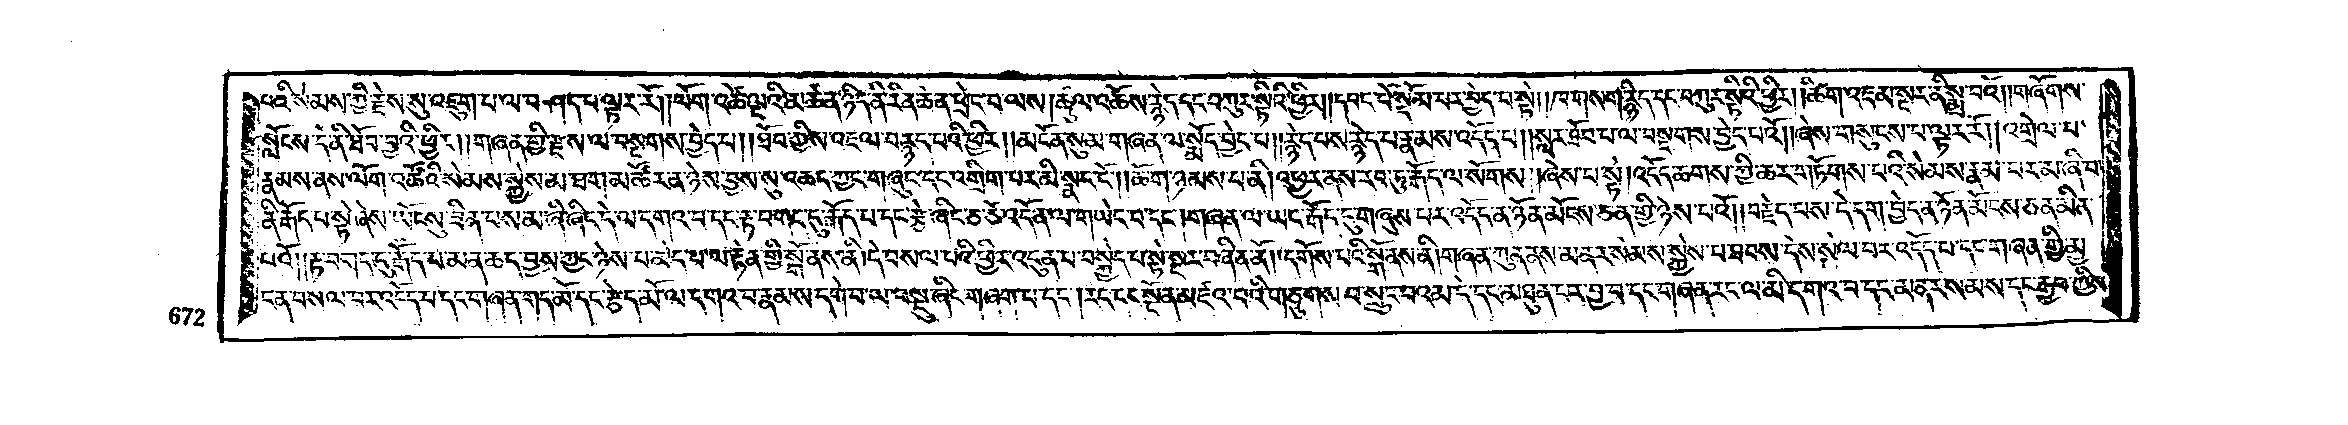པའི་སེམས་ཀྱི་རྗེས་སུ་འཇུག་པ་ལ་བཤད་པ་ལྟར་རོ། །ལོག་འཚེ་ལྔའི་མཚན་ཉིད་ནི་རིན་ཆེན་ཕྲེང་བ་ལས། ཚུལ་འཆོས་རྙེད་དང་བཀུར་སྟིའི་ཕྱིར། །དབང་པོ་སྡོམ་པར་བྱེད་པ་སྟེ། །ཁ་གསག་རྙིད་དང་བཀུར་སྟིའི་ཕྱིར། །ཚིག་འཇམ་སྔར་ནི་སྨྲ་བའོ། །གཞོགས་
སློངས་དེ་ནི་ཐོབ་བྱའི་ཕྱིར། །གཞན་གྱི་རྫས་ལ་བསྔགས་བྱེད་པ། །ཐོབ་ཀྱིས་འཇལ་བརྙད་པའི་ཕྱིར། །མངོན་སུམ་གཞན་ལ་སྨོད་བྱེད་པ། །རྙེད་པས་རྙེད་པ་རྣམས་འདོད་པ། །སླར་ཐོབ་པ་ལ་བསྔགས་བྱེད་པའོ། །ཞེས་གསུངས་པ་ལྟར་རོ། །འགྲེལ་པ་
རྣམས་ནས་ལོག་འཚོའི་སེམས་སྐྱེས་མ་ཐག་མ་ཚོར་ན་ཉེས་བྱས་སུ་འཆད་ཀྱང་གཞུང་དང་འགྲིག་པར་མི་སྣང་ངོ། །ཆོ་ག་ཉམས་པ་ནི། འཕྱར་ནས་རབ་ཏུ་རྒོད་ལ་སོགས། །ཞེས་པ་སྟེ། འདོད་ཆགས་ཀྱི་ཆར་གཏོགས་པའི་སེམས་རྣམ་པར་མ་ཞི་བ་
ནི་རྒོད་པ་སྟེ་ཞེས་ཡོངས་སུ་ཟིན་པས་མ་ཞི་ཞིང་དེ་ལ་དགའ་བ་དང་རྟ་བ་གང་དུ་རྒོད་པ་དང་རྩེ་ཞིང་ཅ་ཅོ་འདོན་ལ་གཡེང་བ་དང་། གཞན་ལ་ཡང་རྒོད་དུ་གཞུས་པར་འདོད་ན་ཉོན་མོངས་ཅན་གྱི་ཉེས་པའོ། །བརྗོད་པས་དེ་དག་བྱེད་ན་ཉོན་མོངས་ཅན་མིན་
པའོ། །རྟ་བ་གང་དུ་རྒོད་པ་མན་ཆད་བྱས་ཀྱང་ཉེས་པ་མེད་པ་ལ་རྟེན་གྱི་སྒོ་ནས་ནི། དེ་བསལ་པའི་ཕྱིར་འདུན་པ་བསྐྱེད་པ་སྟེ་སྔར་བཞིན་ནོ། །དགོས་པའི་སྒོ་ནས་ནི། གཞན་ཀུན་ནས་མནར་སེམས་སྐྱེས་པ་ཐབས་དེས་སྩོལ་བར་འདོད་པ་དང་གཞན་གྱི་མྱ་
ངན་བསལ་བར་འདོད་པ་དང་གཞན་གད་མོ་དང་རྩེད་མོ་ལ་དགའ་བ་རྣམས་དགེ་བ་ལ་བསྡུ་ཞིང་གཞག་པ་དང་། རང་དང་སྔོན་མཛའ་བའི་གཙུགས་བ་སྲུང་བའམ་དེ་དང་མཐུན་པར་བྱ་བ་དང་གཞན་རང་ལ་མི་དགའ་བ་དང་མནར་སེམས་དང་རྒྱབ་ཀྱི་